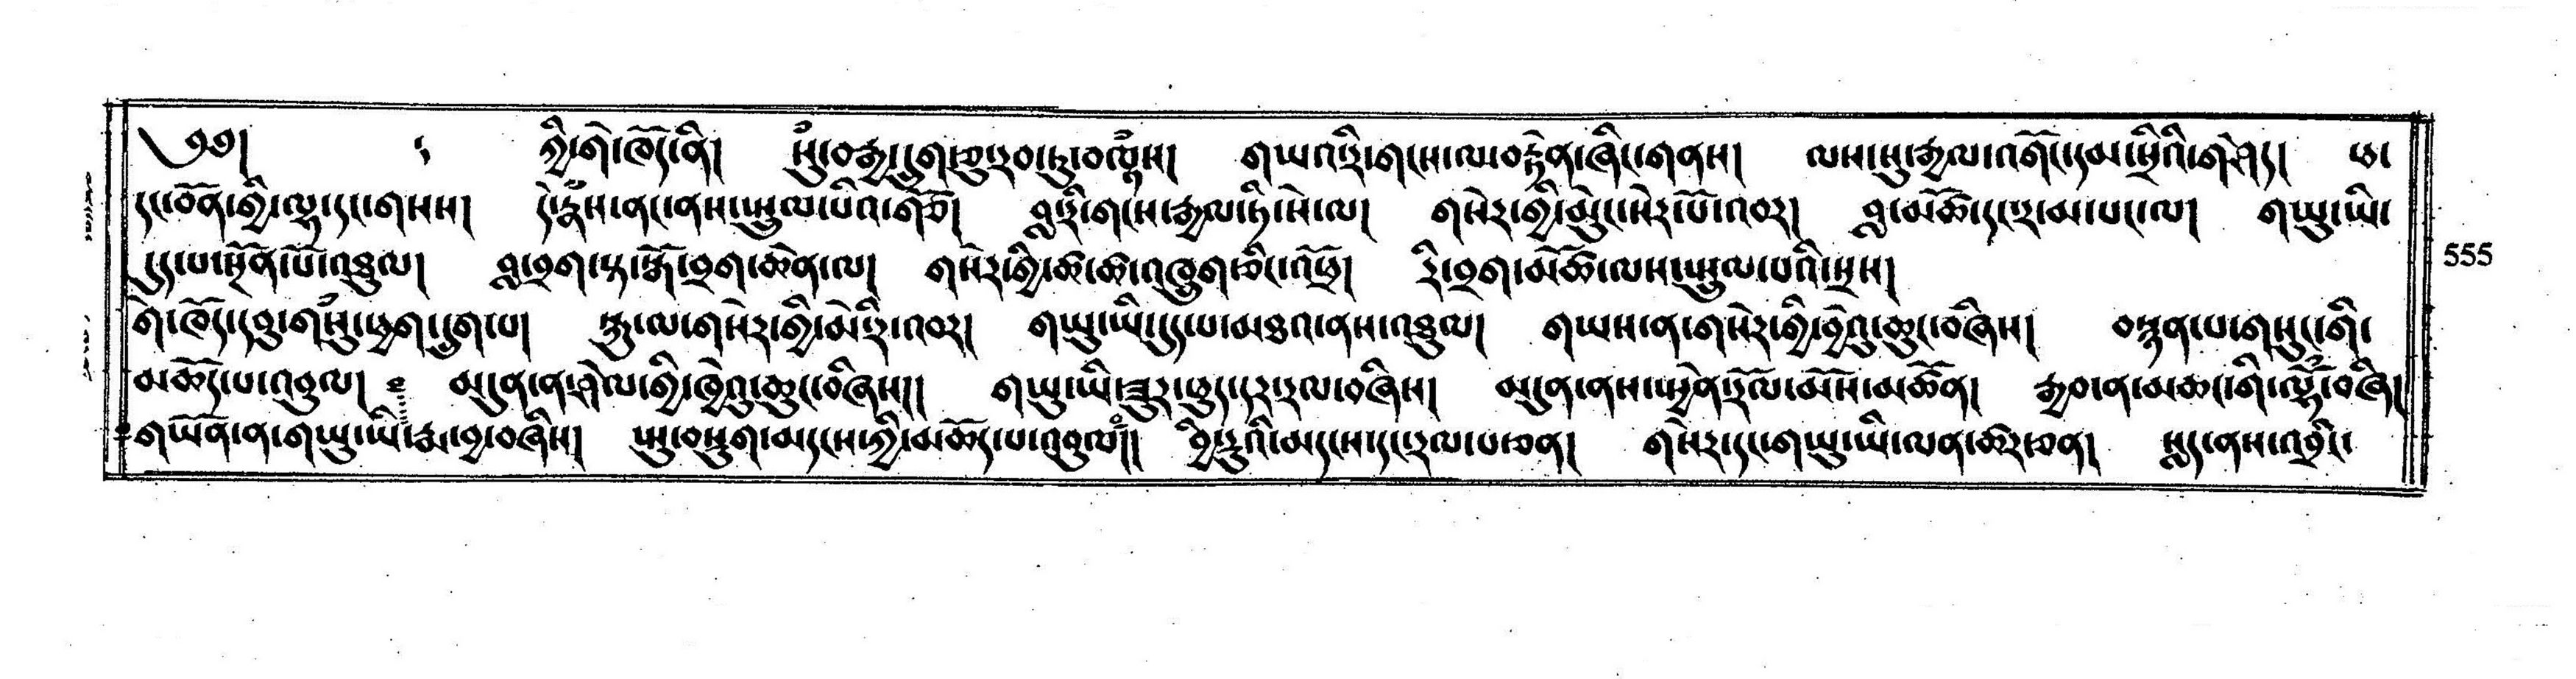ཀྱི་གེ་ཁོད་ནི། སུམ་བརྒྱ་དྲུག་ཅུ་རབ་ཏུ་བལྟམས། གཡའ་རི་གངས་ལ་བརྟེན་ཞིང་གནས། ལས་སུ་རྒྱལ་འགོང་དམ་སྲིའི་གཤེད། ཕ་
དང་བོན་གྱི་ལྷ་དང་གསས། དེ་རྣམས་ནང་ནས་སྤྲུལ་པའི་གཙོ། བླ་རི་གངས་རྒྱལ་ཏི་སེ་ལ། གསེར་གྱི་མེ་དཔུང་སེར་པོ་འབར། བླ་མཚོ་དང་ར་མ་པང་ལ། གཡུ་ཡི་
དུད་པ་སྔོན་པོ་འཐུལ། བླ་བྲག་སྟ་སྒོ་བྲག་ཆེན་ལ། གསེར་གྱི་ཚ་ཚ་འཁྲུག་ཅིང་འཕྲོ། རི་བྲག་མཚོ་ལས་སྤྲུལ་པའི་སྲས། 
གེ་ཁོད་དབུ་གསུམ་ཕྱག་དྲུག་པ། སྐུ་ལ་གསེར་གྱི་མེ་རི་འབར། གཡུ་ཡི་དུད་པ་མཐའ་ནས་འཐུལ། གཡས་ན་གསེར་གྱི་བྱེའུ་ཆུང་བཞིས། སྙན་པ་གསུང་གི་
མཆོད་པ་འབུལ། གཡོན་ན་གཡུ་ཡི་རྨ་བྱ་བཞིས། སྤུ་བསྡུག་མདངས་ཀྱི་མཆོད་པ་འབུལ།། མདུན་ན་ཤེལ་གྱི་ཁྱེའུ་ཆུང་བཞིས།། གཡུ་ཡི་ཟུར་ཕུད་དར་རལ་བཞིས། མདུན་ནས་སྤྱན་འདྲེན་རོལ་མོས་མཚོན། རྒྱབ་ན་མཆང་༼མཆོང༽གི་ལྷ་མོ་བཞི། 
བྱི་རུའི་མདངས་དང་རལ་པ་ཅན། གསེར་དང་གཡུ་ཡི་ལན་ཚར་ཅན། སླད་ནས་འབྲིང་